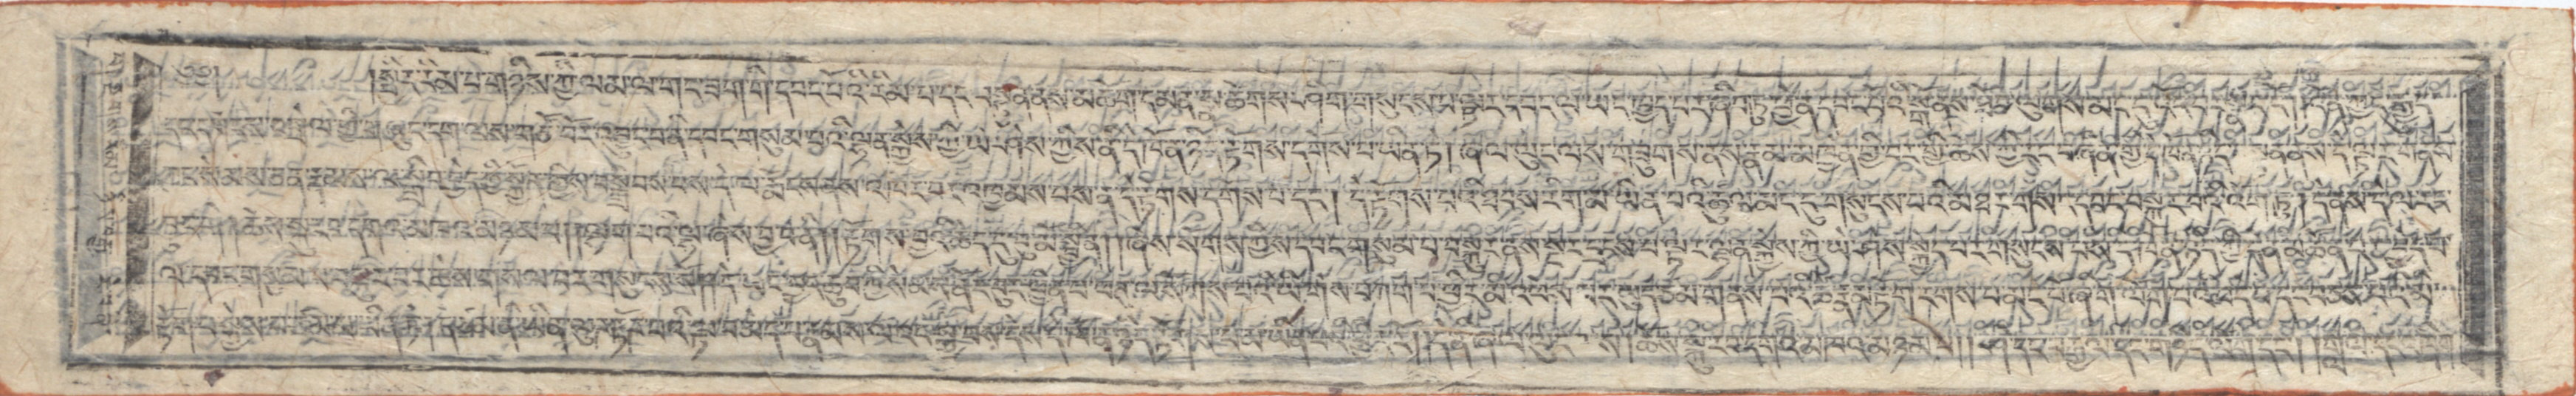༄༅། །སྤྱིར་རིམ་པ་གཉིས་ཀྱི་ལམ་ལ་གང་ཟག་གི་དབང་པོའི་རིམ་པ་དང་བསྟུན་ནས་མཆོག་དམན་སྣ་ཚོགས་ཤིག་གསུངས་པ་ལྟར་དབང་ལ་ཡང་ཁྱད་པར་ཞིབ་ཏུ་ཕྱེ་ན་དབང་པོའི་སྒོ་ནས་ཐོབ་ལུགས་མང་དུ་འོང་བར་སྣང་ངོ། །འོན་ཀྱང་རྒྱུད་
དང་དགོངས་འགྲེལ་གྱི་གཞུང་དག་ལས་གཙོ་བོར་འབྱུང་བ་ནི་དབང་གསུམ་པའི་ལྷན་སྐྱེས་ཀྱི་ཡེ་ཤེས་ཀྱིས་ནི་དེ་ཁོ་ན་ཉིད་རྟོགས་དགོས་པ་ཡིན་ཏེ། ཞལ་ལུང་ལས་གཟུགས་ནས་རྣམ་མཁྱེན་གྱི་བར་གྱི་ཆོས་ཀྱི་རང་བཞིན་གྱི་དེ་ཁོ་ན་ཉིད་བསྟན་ནས་དེ་ལྟར་གནས་
ཀྱང་སེམས་ཅན་རྣམས་ལ་སྒྲིབ་བྱེད་ཀྱི་སྐྱོན་གྱིས་བསྒྲིབས་པས་དེ་ལ་རྨོངས་ནས་འཁོར་བར་འཁྱམས་པས་ན་དེ་རྟོགས་དགོས་པ་དང་། དེ་རྟོགས་པའི་ཐབས་རིག་མ་ཡིན་པའི་ཚུལ་མང་དུ་གསུངས་པའི་མཐར་གསང་དབང་བསྐུར་བའི་འོག་ཏུ། དེ་ནས་དེ་ལ་རང་
བྱུང་གི །ཆོས་སྐུ་རབ་དགའ་མཁའ་མཉམ་པ། །ལྷག་པའི་ལྷ་ཞེས་བྱ་བ་ནི། །རྟོགས་བྱའི་ཆེད་དུ་བུ་མོ་སྦྱིན། །ཞེས་སོགས་ཀྱིས་དབང་གསུམ་པ་བསྐུར་ནས་སྔར་དྲངས་པ་ལྟར་ལྷན་སྐྱེས་ཀྱི་ཡེ་ཤེས་སྐྱེད་པར་གསུངས་པས་དེ་ཁོ་ན་ཉིད་ཀྱི་དོན་མཚོན་པར་བྱེད་པ་
ལ་དབང་གསུམ་པ་བསྐུར་བར་ཆེས་གསལ་བར་གསུངས་སོ། །དེ་ཡང་བྱང་ཆུབ་ཀྱི་སེམས་ནོར་བུར་ཕྱིན་པ་ཕཊ་ལ་སོགས་པའི་ཡི་གེས་བཀག་པ་ཕྱིར་མ་འཕོས་པར་ཡུད་ཙམ་གནས་པའི་ཚེ་རྣམ་རྟོག་རགས་པ་མང་པོ་ཞིག་ལོག་པའི་བདེ་བ་དང་བཅས་པའི་མི་
རྟོག་པ་སྐྱེས་པ་ཙམ་མ་ཡིན་ཏེ། དེ་ཙམ་ནི་ཡིན་ལུགས་རྟོགས་པའི་ལྟ་བ་མེད་པ་རྣམས་ལའང་སྐྱེ་བས་དེས་དེ་ཁོ་ན་ཉིད་རྟོགས་པ་མ་ཡིན་པའི་ཕྱིར་རོ། །དེ་ནི་ཞལ་ལུང་ལས། ཆོས་སྐུ་རབ་དགའ་མཁའ་མཉམ་པ། །ཤི་དང་བརྒྱལ་དང་གཉིད་ལོག་དང་། །གླལ་དང་འཁྲིག་